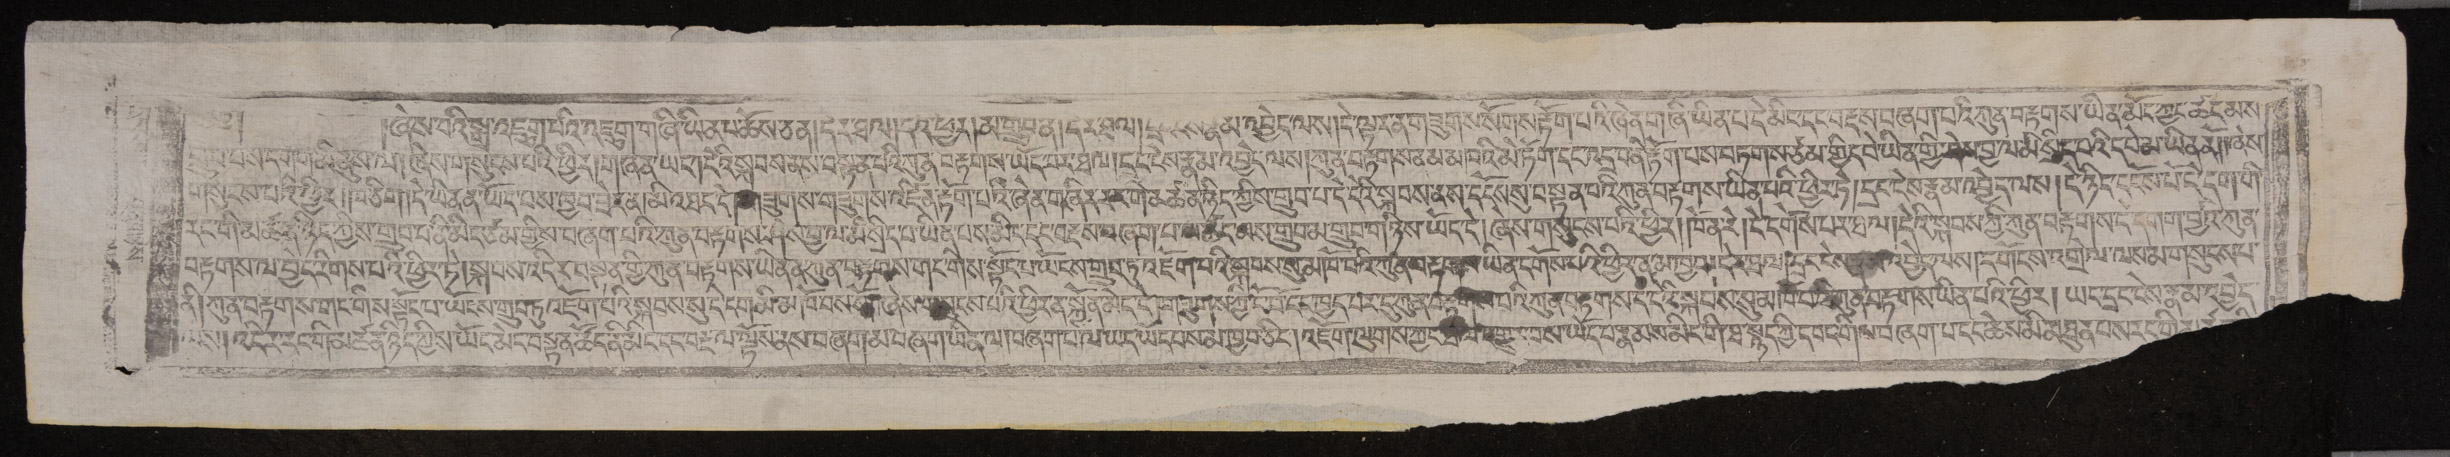༄༅། །ཞེས་པའི་སྒྲ་འཇུག་པའི་འཇུག་གཞི་ཡིན་པ་ཆོས་ཅན། དེར་ཐལ། དེའི་ཕྱིར། མ་གྲུབ་ན། དེར་ཐལ། དྲང་ངེས་རྣམ་འབྱེད་ལས། དེ་ལྟར་ན་གཟུགས་སོགས་རྟོག་པའི་ཞེན་གཞི་ཡིན་པ་དེ་མིང་དང་བརྡས་བཞག་པའི་ཀུན་བརྟགས་ཡིན་མོད་ཀྱང་ཚད་མས་
གྲུབ་པས་དགག་མི་ནུས་ལ། ཞེས་གསུངས་པའི་ཕྱིར། གཞན་ཡང་། དེའི་སྐབས་ནས་བསྟན་པའི་ཀུན་བརྟགས་ཡོད་པར་ཐལ། དྲང་ངེས་རྣམ་འབྱེད་ལས། ཀུན་བརྟགས་ནམ་མཁའི་མེ་ཏོག་དང་འདྲ་བ་ནི་རྟོག་པས་བཏགས་ཙམ་གྱི་དཔེ་ཡིན་གྱི་ཤེས་བྱ་ལ་མི་སྲིད་པའི་དཔེ་མ་ཡིན་ནོ། །ཞེས་
གསུངས་པའི་ཕྱིར། ཁ་ཅིག །དེ་ཡིན་ན་ཡོད་པས་ཁྱབ་ཟེར་ན། མི་འཐད་དེ། གཟུགས་གཟུགས་འཛིན་རྟོག་པའི་ཞེན་གཞིར་རང་གི་མཚན་ཉིད་ཀྱིས་གྲུབ་པ་དེ་དེའི་སྐབས་ནས་དངོས་སུ་བསྟན་པའི་ཀུན་བརྟགས་ཡིན་པའི་ཕྱིར་ཏེ། དྲང་ངེས་རྣམ་འབྱེད་ལས། དེ་ཉིད་དངོས་པོ་དེ་དག་གི་
རང་གི་མཚན་ཉིད་ཀྱིས་གྲུབ་པ་ནི་མིང་ཙམ་གྱིས་བཞག་པའི་ཀུན་བརྟགས་ཤེས་བྱ་ལ་མི་སྲིད་པ་ཡིན་པས་མིང་དང་བརྡས་བཞག་པ་ལ་ཚད་མས་གྲུབ་མ་གྲུབ་གཉིས་ཡོད་དེ། ཞེས་གསུངས་པའི་ཕྱིར། ཁོ་ན་རེ། དེ་དགོས་པར་ཐལ། དེའི་སྐབས་ཀྱི་ཀུན་གཏགས་དེ་དགག་བྱའི་ཀུན་
བརྟགས་ལ་བྱེད་རིགས་པའི་ཕྱིར་ཏེ། སྐབས་འདིར་བསྟན་གྱི་ཀུན་བརྟགས་ཡིན་ན་ཀུན་བརྟགས་གང་གིས་སྟོང་པ་ཡོངས་གྲུབ་ཏུ་འཇོག་པའི་སྐབས་སུ་མཁོ་བའི་ཀུན་བརྟགས་ཡིན་དགོས་པའི་ཕྱིར་ན་མ་ཁྱབ། དེར་ཐལ། དྲང་ངེས་རྣམ་འབྱེད་ལས། དགོངས་འགྲེལ་ལས་མ་གསུངས་པ་
ནི། ཀུན་བརྟགས་གང་གིས་སྟོང་པ་ཡོངས་གྲུབ་ཏུ་འཇོག་པའི་སྐབས་སུ་དེ་དག་མི་མཁོ་བས་སོ། །ཞེས་གསུངས་པའི་ཕྱིར་ན་སྐྱོན་མེད་དེ། གཟུགས་ཀྱི་ངོ་བོ་དང་ཁྱད་པར་དུ་ཀུན་བརྟགས་པའི་ཀུན་བརྟགས་དེ་དེའི་སྐབས་སུ་མཁོ་བའི་ཀུན་བརྟགས་ཡིན་པའི་ཕྱིར། ཡང་དྲང་ངེས་རྣམ་འབྱེད་
ལས། འདིར་རང་གི་མཚན་ཉིད་ཀྱིས་ཡོད་མེད་བསྟན་ཚོད་ནི་མིང་དང་བརྡ་ལ་ལྟོས་ནས་བཞག་མ་བཞག་ཡིན་ལ། བཞག་པ་ལ་ཡང་ཡོད་པས་མ་ཁྱབ་ཅིང་། འཇོག་ལུགས་ཀྱང་ཐལ་འགྱུར་བས་ཡོད་པ་རྣམས་མིང་གི་ཐ་སྙད་ཀྱི་དབང་གིས་བཞག་པ་དང་ཆེས་མི་མཐུན་པས་རང་གི་མཚན་ཉིད་